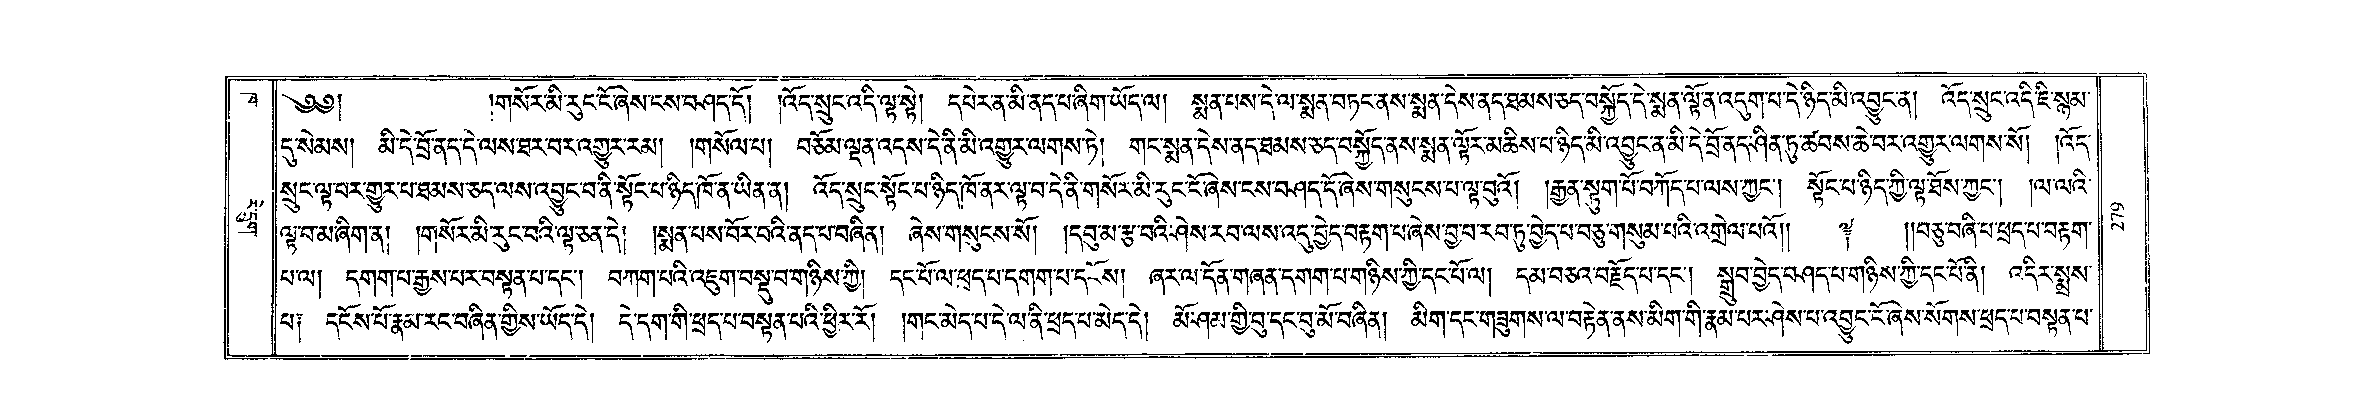༄༅། །གསོར་མི་རུང་ངོ་ཞེས་ངས་བཤད་དོ། །འོད་སྲུང་འདི་ལྟ་སྟེ། དཔེར་ན་མི་ནད་པ་ཞིག་ཡོད་ལ། སྨན་པས་དེ་ལ་སྨན་བཏང་ནས་སྨན་དེས་ནད་ཐམས་ཅད་བསྐྱོད་དེ་སྨན་ལྟོ་ན་འདུག་པ་དེ་ཉིད་མི་འབྱུང་ན། འོད་སྲུང་འདི་ཇི་སྙམ་
དུ་སེམས། མི་དེ་བྲོ་ནད་དེ་ལས་ཐར་བར་འགྱུར་རམ། །གསོལ་པ། བཅོམ་ལྡན་འདས་དེ་ནི་མི་འགྱུར་ལགས་ཏེ། གང་སྨན་དེས་ནད་ཐམས་ཅད་བསྐྱོད་ནས་སྨན་ལྟོར་མཆིས་པ་ཉིད་མི་འབྱུང་ན་མི་དེ་བྲོ་ནད་ཤིན་ཏུ་ཚབས་ཆེ་བར་འགྱུར་ལགས་སོ། །འོད་
སྲུང་ལྟ་བར་གྱུར་པ་ཐམས་ཅད་ལས་འབྱུང་བ་ནི་སྟོང་པ་ཉིད་ཁོ་ན་ཡིན་ན། འོད་སྲུང་སྟོང་པ་ཉིད་ཁོ་ནར་ལྟ་བ་དེ་ནི་གསོར་མི་རུང་ངོ་ཞེས་ངས་བཤད་དོ་ཞེས་གསུངས་པ་ལྟ་བུའོ། །རྒྱན་སྟུག་པོ་བཀོད་པ་ལས་ཀྱང་། སྟོང་པ་ཉིད་ཀྱི་ལྟ་ཐོས་ཀྱང་། །ལ་ལའི་
ལྟ་བ་མ་ཞིག་ན། །གསོར་མི་རུང་བའི་ལྟ་ཅན་དེ། །སྨན་པས་བོར་བའི་ནད་པ་བཞིན། ཞེས་གསུངས་སོ། །དབུ་མ་རྩ་བའི་ཤེས་རབ་ལས་འདུ་བྱེད་བརྟག་པ་ཞེས་བྱ་བ་རབ་ཏུ་བྱེད་པ་བཅུ་གསུམ་པའི་འགྲེལ་པའོ།། ༈ །།བཅུ་བཞི་པ་ཕྲད་པ་བརྟག་
པ་ལ། དགག་པ་རྒྱས་པར་བསྟན་པ་དང་། བཀག་པའི་འཇུག་བསྡུ་བ་གཉིས་ཀྱི། དང་པོ་ལ་ཕྲད་པ་དགག་པ་དངོས། ཞར་ལ་དོན་གཞན་དགག་པ་གཉིས་ཀྱི་དང་པོ་ལ། དམ་བཅའ་བརྗོད་པ་དང་། སྒྲུབ་བྱེད་བཤད་པ་གཉིས་ཀྱི་དང་པོ་ནི། འདིར་སྨྲས་
པ༑ དངོས་པོ་རྣམ་རང་བཞིན་གྱིས་ཡོད་དེ། དེ་དག་གི་ཕྲད་པ་བསྟན་པའི་ཕྱིར་རོ། །གང་མེད་པ་དེ་ལ་ནི་ཕྲད་པ་མེད་དེ། མོ་ཤམ་གྱི་བུ་དང་བུ་མོ་བཞིན། མིག་དང་གཟུགས་ལ་བརྟེན་ནས་མིག་གི་རྣམ་པར་ཤེས་པ་འབྱུང་ངོ་ཞེས་སོགས་ཕྲད་པ་བསྟན་པ་